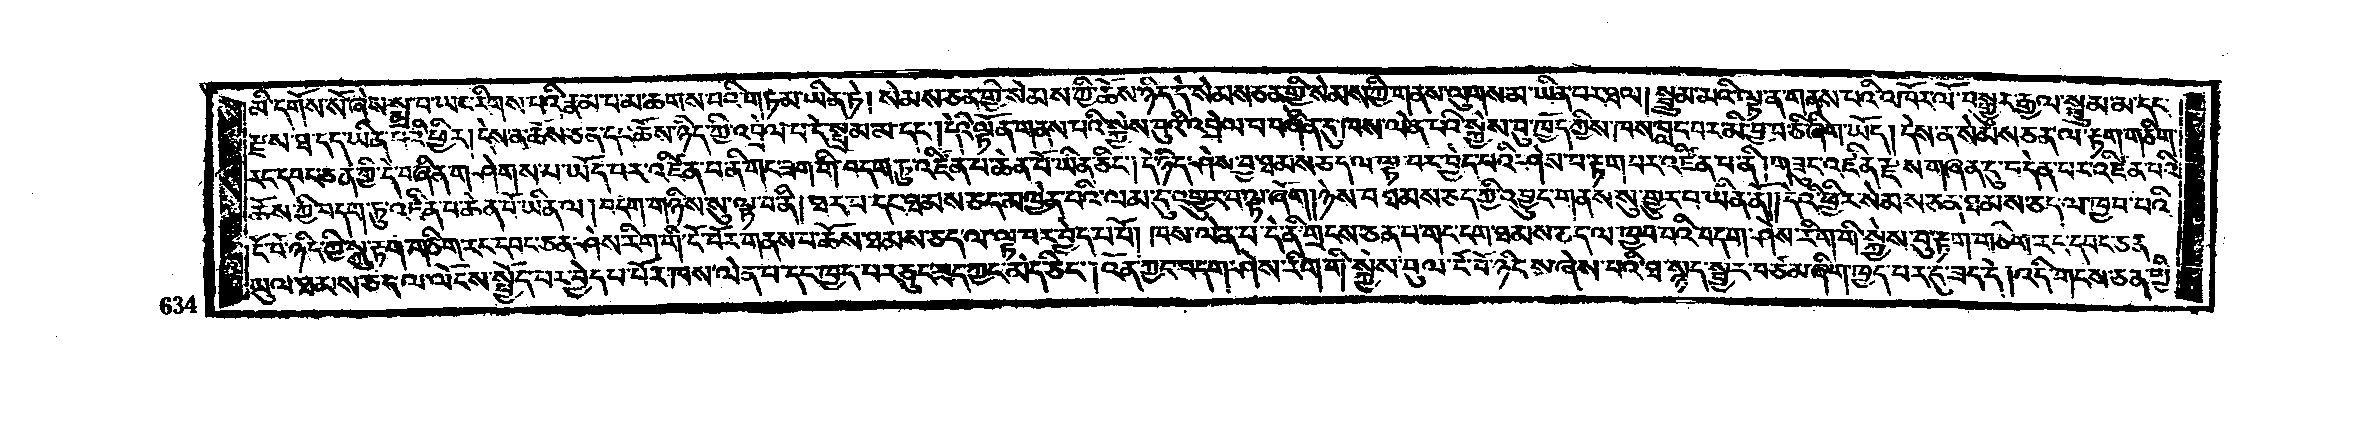མི་དགོས་སོ་ཞེས་སྨྲ་བ་ཡང་རིགས་པའི་རྣམ་པ་མ་ཆགས་པའི་གཏམ་ཡིན་ཏེ། སེམས་ཅན་གྱི་སེམས་ཀྱི་ཆོས་ཉིད་དེ་སེམས་ཅན་གྱི་སེམས་ཀྱི་གནས་ལུགས་མ་ཡིན་པར་ཐལ། སྦྲུམ་པའི་ལྟོ་ན་གནས་པའི་འཁོར་ལོ་བསྒྱུར་རྒྱལ་སྦྲུམ་མ་དང་
རྫས་ཐ་དད་ཡིན་པའི་ཕྱིར། དེས་ན་ཆོས་ཅན་དང་ཆོས་ཉིད་ཀྱི་འབྲེལ་བ་དེ་སྦྲུམ་མ་དང་། དེའི་ལྟོ་ན་གནས་པའི་སྐྱེས་བུའི་འབྲེལ་བ་བཞིན་དུ་ཁས་ལེན་པའི་སྐྱེས་བུ་ཁོད་ཀྱིས་ཁས་བླང་བར་མི་བྱ་བ་ཅི་ཞིག་ཡོད། དེས་ན་སྨེས་ཅན་ལ་རྟག་གཅིག་
རང་དབྣག་ཅན་གྱི་དེ་བཞིན་གཤེགས་པ་ཡོད་པར་འཛིན་པ་ནི་གང་ཟག་གི་བདག་ཏུ་འཛིན་པ་ཆེན་པོ་ཡིན་ཅིང་། དེ་ཉིད་ཤེས་བྱ་ཐམས་ཅད་ལ་ལྟ་བར་བྱེད་པའི་ཤེས་པ་རྟག་པར་འཛིན་པ་ནི། གཟུང་འཛིན་རྫས་གཞན་དུ་བདེན་པར་འཛིན་པའི་
ཆོས་ཀྱི་བདག་ཏུ་འཛིན་པ་ཆེན་པོ་ཡིན་ལ། བདག་གཉིས་སུ་ལྟ་བ་ནི། ཐར་པ་དང་ཐམས་ཅད་མཁྱེན་པའི་ལམ་དུ་འགྱུར་བ་ལྟ་ཞོག། ཉེས་པ་ཐམས་ཅད་ཀྱི་འབྱུང་གནས་སུ་གྱུར་བ་ཡིན་ནོ། །དེའི་ཕྱིར་སྨེས་ཅན་ཐམས་ཅད་ལ་ཁྱབ་པའི་
ངོ་བོ་ཉིད་ཀྱི་སྐུ་རྟག་གཅིག་རང་དབང་ཅན་ཤེས་རིག་གི་ངོ་བོར་གནས་པ་ཆོས་ཐམས་ཅད་ལ་ལྟ་བར་བྱེད་པ་པོ། ཁས་ལེན་པ་དེ་ནི་རངས་ཅན་པ་གང་དག་ཐམས་ཅད་ལ་ཁྱབ་པའི་བདག་ཤེས་རིག་གི་སྐྱེས་བུ་རྟག་གཅིག་རང་དབང་ཅན་
ཡུལ་ཐམས་ཅད་ལ་ལོངས་སྤྱོད་པར་བྱེད་པ་པོར་ཁས་ལེན་པ་དང་ཁྱད་པར་ཅུང་ཟད་ཀྱང་མེད་ཅིང་། འོན་ཀྱང་བདག་ཤེས་རིག་གི་སྐྱེས་བུ་ལ་ངོ་བོ་ཉིད་སྐུ་ཞེས་པའི་ཐ་སྙད་སྦྱར་བ་ཙམ་ཞིག་ཁྱད་པར་དུ་ཟད་དེ། འདི་གངས་ཅན་གྱི་